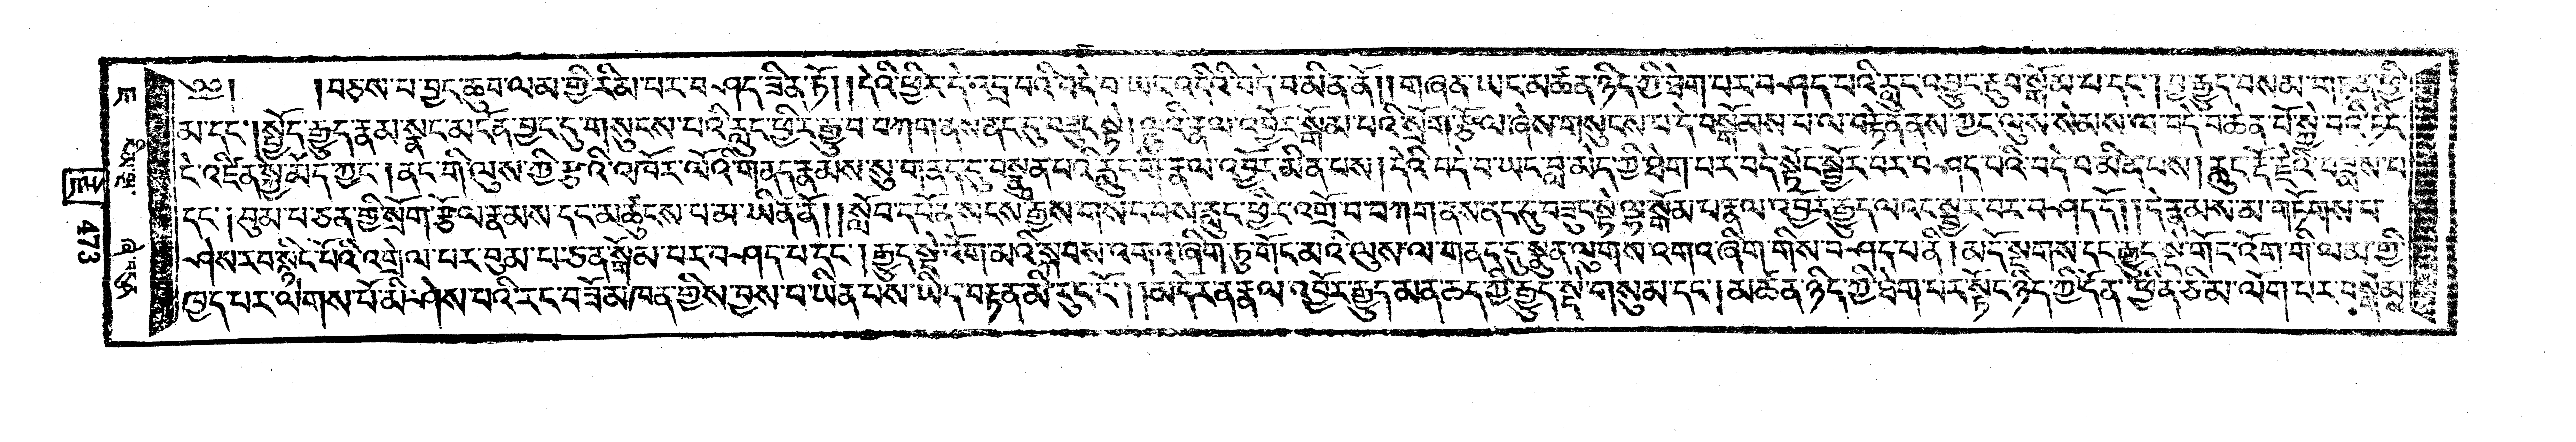༄༅། །བཅས་པ་བྱང་ཆུབ་ལམ་གྱི་རིམ་པར་བཤད་ཟིན་ཏོ། །དེའི་ཕྱིར་དེ་འདྲ་བའི་བདེ་བ་ཡང་འདིའི་བདེ་བ་མིན་ནོ། །གཞན་ཡང་མཚན་ཉིད་ཀྱི་ཐེག་པར་བཤད་པའི་རླུང་འབྱུང་རྔུབ་སྒོམ་པ་དང་། བྱ་རྒྱུད་བསམ་གཏན་ཕྱི་
མ་དང་། སྤྱོད་རྒྱུད་རྣམ་སྣང་མངོན་བྱང་དུ་གསུངས་པའི་རླུང་ཕྱིར་རྒྱུ་བ་བཀག་ནས་ནང་དུ་བཟུང་སྟེ། ལྷའི་རྣལ་འབྱོར་སྒོམ་པའི་སྲོག་རྩོལ་ཞེས་གསུངས་པ་དེ་བསྒོམས་པ་ལ་བརྟེན་ནས་ཀྱང་ལུས་སེམས་ལ་བདེ་བ་ཆེན་པོ་སྐྱེ་བའི་ཏིང་
ངེ་འཛིན་སྐྱེ་མོད་ཀྱང་། ནང་གི་ལུས་ཀྱི་རྩའི་འཁོར་ལོའི་གནད་རྣམས་སུ་གནད་དུ་བསྣུན་པའི་རླུང་གི་རྣལ་འབྱོར་མིན་པས། དེའི་བདེ་བ་ཡང་བླ་མེད་ཀྱི་ཐེག་པར་བདེ་སྟོང་སྦྱོར་བར་བཤད་པའི་བདེ་བ་མིན་པས། རླུང་རྡོ་རྗེའི་བཟླས་པ་
དང་། བུམ་པ་ཅན་གྱི་སྲོག་རྩོལ་རྣམས་དང་མཚུངས་པ་མ་ཡིན་ནོ། །སློབ་དཔོན་སངས་རྒྱས་གསང་བས་རླུང་ཕྱིར་འགྲོ་བ་བཀག་ནས་ནང་དུ་བཟུང་སྟེ་ལྷ་སྒོམ་པ་རྣལ་འབྱོར་རྒྱུད་ལའང་སྦྱར་བར་བཤད་དོ། །དེ་རྣམས་མ་གཏོགས་པ་
ཤེས་རབ་སྙིང་པོའི་འགྲེལ་པར་བུམ་པ་ཅན་སྒོམ་པར་བཤད་པ་དང་། རྒྱུད་སྡེ་འོག་མའི་སྐབས་འགའ་ཞིག་ཏུ་གོང་མའི་ལུས་ལ་གནད་དུ་སྣུན་ལུགས་འགའ་ཞིག་གིས་བཤད་པ་ནི། མདོ་སྔགས་དང་རྒྱུད་སྡེ་གོང་འོག་གི་ལམ་གྱི་
ཁྱད་པར་ལེགས་པོ་མི་ཤེས་པའི་རང་བཟོ་མཁན་གྱིས་བྱས་པ་ཡིན་པས་ཡིད་བརྟན་མི་རུང་ངོ། །མདོར་ན་རྣལ་འབྱོར་རྒྱུད་མན་ཆད་ཀྱི་རྒྱུད་སྡེ་གསུམ་དང་། མཚན་ཉིད་ཀྱི་ཐེག་པར་སྟོང་ཉིད་ཀྱི་དོན་ཕྱིན་ཅི་མ་ལོག་པར་བསྒོམས་